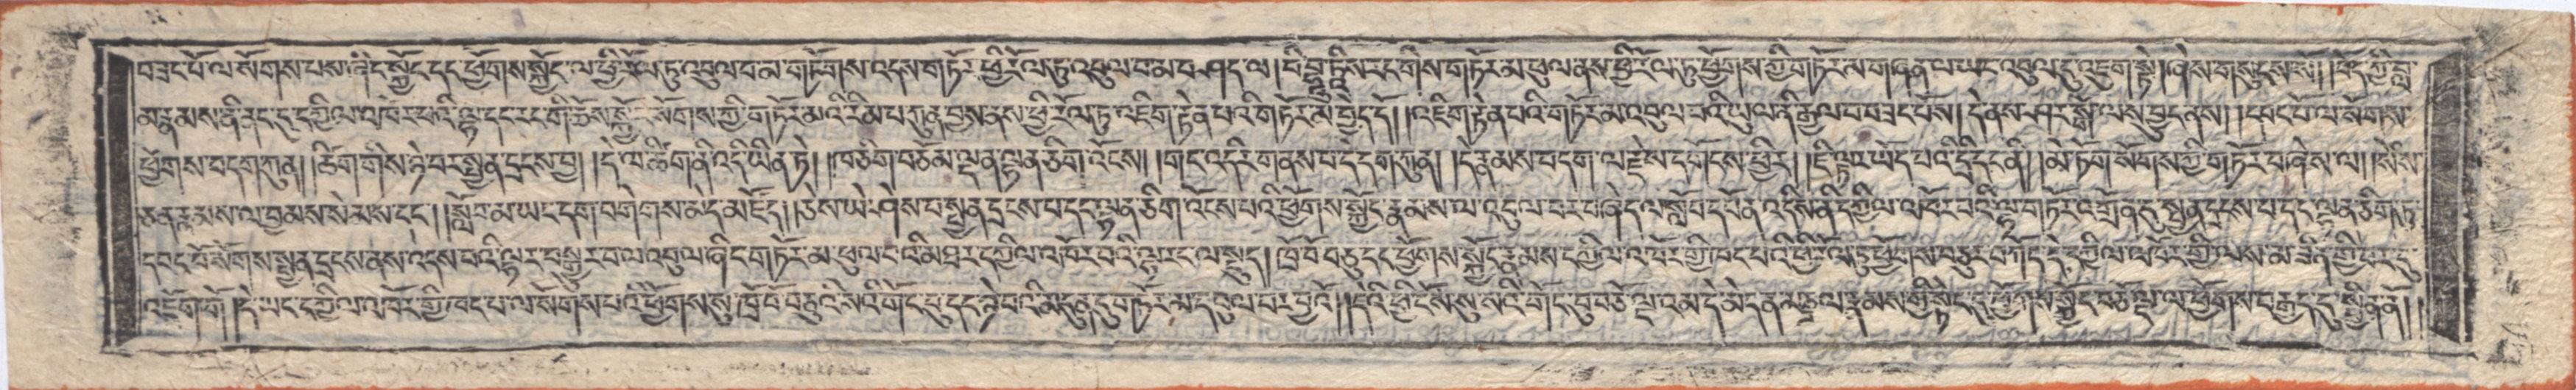བཟང་པོ་ལ་སོགས་པས་ཞིང་སྐྱོང་དང་ཕྱོགས་སྐྱོང་ལ་ཕྱི་རོལ་ཏུ་འབུལ་བ་མ་གཏོགས་འདས་གཏོར་ཕྱི་རོལ་ཏུ་འབུལ་བ་མ་བཤད་ལ། བི་བྷཱུ་ཏཱི་ས་རང་གིས་གཏོར་མ་ཕུལ་ནས་ཕྱི་རོལ་ཏུ་ཕྱོགས་ཀྱི་གཏོར་མ་གཞན་ལ་ཡང་འབུལ་དུ་འཇུག་སྟེ། ཞེས་གསུངས་སོ། །བོད་ཀྱི་བླ་
མ་རྣམས་ནི་ནང་དུ་དཀྱིལ་འཁོར་པའི་ལྷ་དང་རང་གི་ཆོས་སྐྱོང་སོགས་ཀྱི་གཏོར་མའི་རིམ་པ་ཀུན་བྱས་ནས་ཕྱི་རོལ་ཏུ་འཇིག་རྟེན་པའི་གཏོར་མ་བྱེད་དོ། །འཇིག་རྟེན་པའི་གཏོར་མ་འབུལ་བའི་ཡུལ་ནི་རྒྱལ་བ་བཟང་པོས། དེ་ནས་ཤར་སྒོ་ལས་བྱུང་ནས། །དབང་པོ་ལ་སོགས་
ཕྱོགས་བདག་ཀུན། །ཚིག་གིས་ཉེ་བར་སྤྱན་དྲངས་བྱ། །དེ་ལ་ཚིག་ནི་འདི་ཡིན་ཏེ། །ཁ་ཅིག་བཅོམ་ལྡན་ལྷན་ཅིག་འོངས། །གང་འདིར་གནས་པ་དེ་དག་ཀུན། །དེ་རྣམས་བདག་ལ་རྗེས་དགོངས་ཕྱིར། །ཇི་ལྟར་ཡོད་པའི་དྲི་དང་ནི། །མེ་ཏོག་སོགས་ཀྱི་གཏོར་བཞེས་ལ། །སེམས་
ཅན་རྣམས་ལ་བྱམས་སེམས་དང་། །སློབ་མ་ཡང་དག་བགེགས་མེད་མཛོད། །ཅེས་ཡེ་ཤེས་པ་སྤྱན་དྲངས་པ་དང་ལྷན་ཅིག་འོངས་པའི་ཕྱོགས་སྐྱོང་རྣམས་ལ་འབུལ་བར་བཞེད་ལ་སློབ་དཔོན་འདིས་ནི་དཀྱིལ་འཁོར་པའི་ལྷ་གཏོར་འགྲོན་དུ་སྤྱན་དྲངས་པ་དང་ལྷན་ཅིག་ཏུ་
དབང་པོ་སོགས་སྤྱན་དྲངས་ནས་འདས་པའི་ལྷར་བསྒྱུར་བ་ལ་འབུལ་ཞིང་གཏོར་མ་ཕུལ་བའི་མཐར་དཀྱིལ་འཁོར་བའི་ལྷ་རང་ལ་སྡུད། ཁྲོ་བོ་བཅུ་དང་ཕྱོགས་སྐྱོང་རྣམས་དཀྱིལ་འཁོར་གྱི་ཁང་པའི་ཕྱི་རོལ་ཏུ་ཕྱོགས་བཅུར་བཀོད་དེ་དཀྱིལ་འཁོར་གྱི་ལས་མ་ཟིན་གྱི་བར་དུ་
འཇོག་གོ །དེ་ཡང་དཀྱིལ་འཁོར་གྱི་ཁང་པ་ལ་སོགས་པའི་ཕྱོགས་སུ་ཁྲོ་བོ་བཅུའི་སའི་གོང་བུ་དང་ཉེ་བའི་མདུན་དུ་གཏོར་མ་དབུལ་བར་བྱའོ། །དེའི་ཕྱི་ངོས་སུ་སའི་གོང་བུ་བཅོ་ལྔ་འམ་དེ་མེད་ན་མཎྜལ་རྣམས་གྱི་སྟེང་དུ་ཕྱོགས་སྐྱོང་བཅོ་ལྔ་ལ་ཕྱོགས་བརྒྱད་དུ་སྦྱིན་ནོ། །